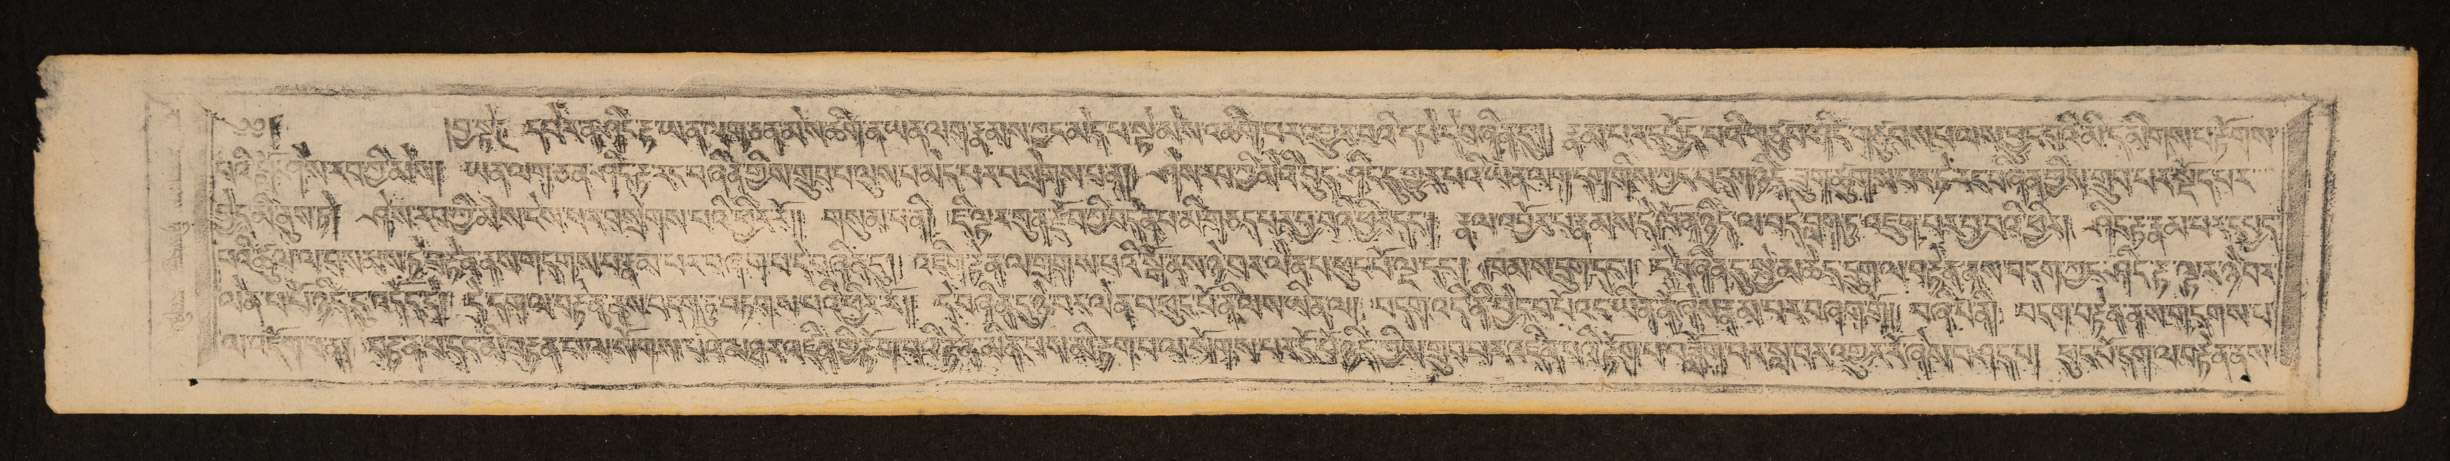༄༅། །བྱ་སྟེ༑ དཔེར་ན་ཤིང་རྟ་ཡན་ལག་ཅན་མེས་ཚིག་ན་ཡན་ལག་རྣམས་ཀྱང་མེད་པ་སྟེ་མེས་འཚིག་པར་འགྱུར་བའི་དཔེ་དེ་བཞིན་དུ། རྣམ་པར་དཔྱོད་པའི་གཙུབ་ཤིང་གཙུབས་པ་ལས་བྱུང་བའི་མི་དམིགས་པ་རྟོགས་
པའི་བློ་ཤེས་རབ་ཀྱི་མེས། ཡན་ལག་ཅན་ཤིང་རྟ་རང་བཞིན་གྱིས་གྲུབ་པ་ལུས་པ་མེད་པར་བསྲེགས་པ་ན། ཤེས་རབ་ཀྱི་མེའི་བུད་ཤིང་དུ་གྱུར་པའི་ཡན་ལག་དག་གིས་ཀྱང་བདག་ཉིད་ཟུག་ཚུགས་པར་ཏེ་རང་བཞིན་གྱིས་གྲུབ་པར་སྡོད་པར་
བྱེད་མི་ནུས་ཏེ། ཤེས་རབ་ཀྱི་མེས་ངེས་པར་བསྲེགས་པའི་ཕྱིར་རོ།། གསུམ་པ་ནི། ཇི་ལྟར་ཀུན་རྫོབ་ཀྱི་བདེན་པ་མི་གཅད་པར་བྱ་བའི་ཕྱིར་དང་། རྣལ་འབྱོར་པ་རྣམས་དེ་ཁོ་ན་ཉིད་ལ་བདེ་བླག་ཏུ་འཇུག་པར་བྱ་བའི་ཕྱིར། ཤིང་རྟ་རྣམ་པར་དཔྱད་
པའི་ཚུལ་ལ་བསམས་ཏེ་བརྟེན་ནས་གདགས་པ་རྣམ་པར་བཞག་པ་དེ་བཞིན་དུ། འཇིག་རྟེན་ལ་གྲགས་པའི་སྒོ་ནས་ཉེ་བར་ལེན་པ་ཕུང་པོ་ལྔ་དང་། ཁམས་དྲུག་དང་། དེ་བཞིན་དུ་སྐྱེ་མཆེད་དྲུག་ལ་བརྟེན་ནས་བདག་ཀྱང་ཤིང་རྟ་ལྟར་ཉེ་བར་
ལེན་པ་པོ་ཉིད་དུ་འདོད་དེ། དེ་དག་ལ་བརྟེན་ནས་བདག་ཏུ་བཏགས་པའི་ཕྱིར་རོ།། དེ་བཞིན་དུ་ཉེ་བར་ལེན་པ་ཕུང་པོ་ནི་ལས་ཡིན་ལ། བདག་འདི་ནི་བྱེད་པ་པོའང་ཡིན་ནོ་ཞེས་རྣམ་པར་བཞག་གོ། བཞི་པ་ནི། བདག་བརྟེན་ནས་གདགས་པ་
ལ་འཇོག་པ་ན། བརྟན་པ་དང་མི་བརྟན་པ་ལ་སོགས་པའི་མཐར་འཛིན་གྱི་རྟོག་པའི་རྟེན་མིན་པས་མི་རྟག་པ་ལ་སོགས་པར་ངོ་བོ་ཉིད་ཀྱིས་གྲུབ་པར་འཛིན་པའི་རྟོག་པ་བཟློག་པར་སླ་བར་འགྱུར་རོ་ཞེས་བཤད་པ། ཕུང་པོ་དག་ལ་བརྟེན་ནས་